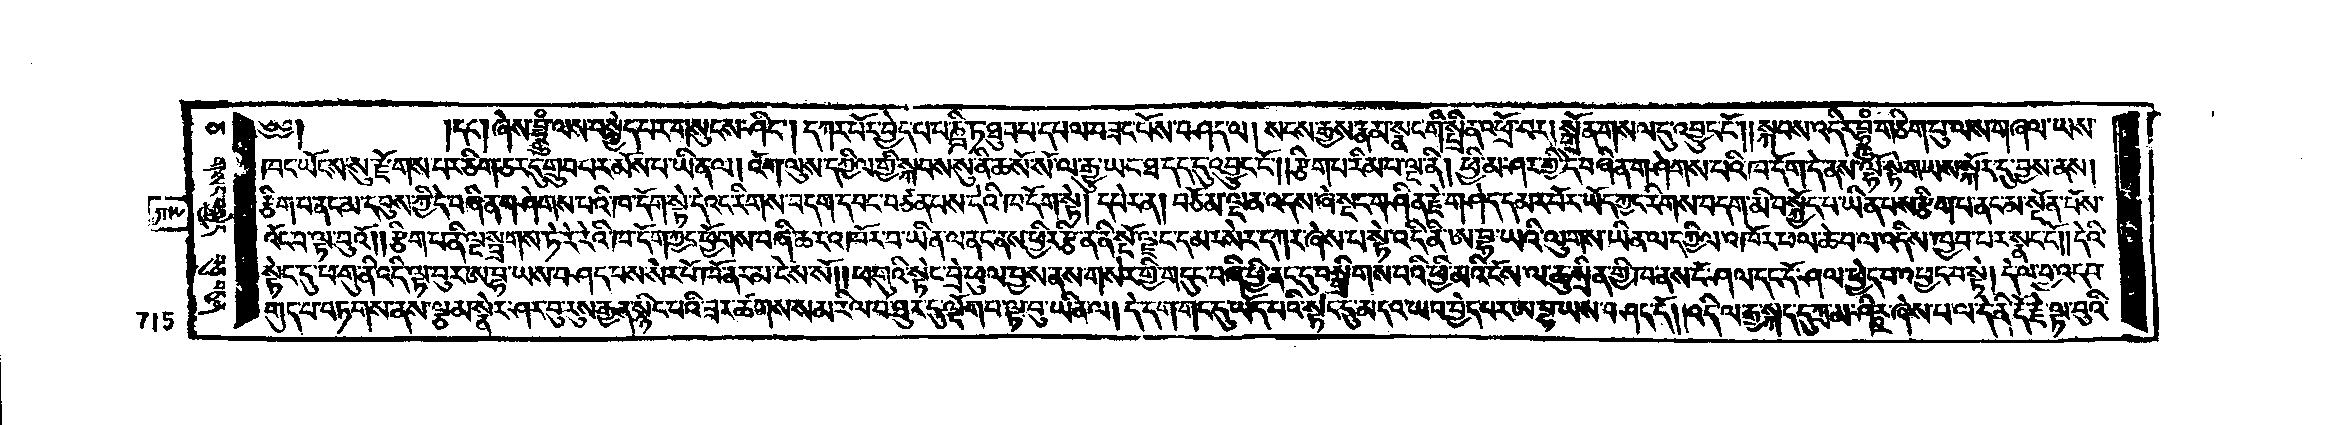༄༅། །དང་། ཞེས་བྷྲཱུཾ་ལས་བསྐྱེད་པར་གསུངས་ཤིང་། དཀར་པོར་བྱེད་པ་པ་ཎྜི་ཏ་ཐུབ་པ་དཔལ་བཟང་པོས་བཤད་ལ། སངས་རྒྱས་རྣམ་སྣང་གི་སྤྲིན་འཕྲོ་བར། སྒྲོན་གསལ་དུ་འབྱུང་ངོ། །སྐབས་འདིར་བྷྲཱུཾ་གཅིག་པུ་ལས་གཞལ་ཡས་
ཁང་ཡོངས་སུ་རྫོགས་པར་ཅིག་ཅར་དུ་གྲུབ་པར་མོས་པ་ཡིན་ལ། འོག་ལུས་དཀྱིལ་གྱི་སྐབས་སུ་ནི་ཆ་སོ་སོ་ལ་རྒྱུ་ཡང་ཐ་དད་དུ་འབྱུང་ངོ། །རྩིག་པ་རིམ་པ་ལྔ་ནི། ཕྱི་མ་ཤར་གྱི་དེ་བཞིན་གཤེགས་པའི་ཁ་དོག་དེ་ནས་ལྷོ་སྟེ་གཡས་སྐོར་དུ་བྱས་ནས།
རྩིག་པ་ནང་མ་དབུས་ཀྱི་དེ་བཞིན་གཤེགས་པའི་ཁ་དོག་སྟེ་དེའང་རིགས་བདག་དབང་བཙན་པས་དེའི་ཁ་དོག་སྟེ། དཔེར་ན། བཅོམ་ལྡན་འདས་ཞེ་སྡང་གཤིན་རྗེ་གཤེད་དམར་པོར་ཡོད་ཀྱང་རིགས་བདག་མི་བསྐྱོད་པ་ཡིན་པས་རྩིག་པ་ནང་མ་སྔོན་པོས་
འོང་བ་ལྟ་བུའོ། །རྩིག་པ་ནི་ལྔ་སྦྲགས་ཏེ་རེ་རེའི་ཁ་དོག་ཀྱང་ཕྱོགས་བཞི་ཆར་འཁོར་བ་ཡིན་ལ་ནང་ནས་ཕྱིར་རྩི་ན་ནི་སྔོ་ལྗང་དམར་སེར་དཀར་ཞེས་པ་སྟེ་འདི་ནི་ཨ་བྷ་ཡའི་ལུགས་ཡིན་ལ་དཀྱིལ་འཁོར་ཕལ་ཆེ་བ་ལ་འདིས་ཁྱབ་པར་སྣང་ངོ། །དེའི་
སྟེང་དུ་ཕ་གུ་ནི་འདི་ལྟ་བུར་ཨ་བྷ་ཡས་བཤད་པས་སེར་པོ་ཁོ་ནར་མ་ངེས་སོ། །ཕ་གུའི་སྟེང་བྲེ་ཕུལ་བྱས་ནས་གསེར་གྱི་གདུང་བཞི་ཕྱི་ནང་དུ་བསྒྲིགས་པའི་ཕྱི་མའི་ངོས་ལ་ཆུ་སྲིན་གྱི་ཁ་ནས་དོ་ཤལ་དང་དོ་ཤལ་ཕྱེད་པ་འཕྱང་བ་སྟེ། དེ་ལ་བྱ་འདབ་
གུད་པ་བཏགས་ནས་ལྕམ་སྣེར་ཤར་བུ་རུས་རྒྱན་སྙིང་པའི་ཟར་ཚགས་སམ་རིལ་བ་ཐུར་དུ་ལྡོག་པ་ལྟ་བུ་ཡིན་ལ། དེ་དག་གང་དུ་ཡོད་པའི་སྟེང་དུ་མདའ་ཡབ་བྱེད་པར་ཨ་བྷ་ཡས་བཤད་དོ། །འདི་ལ་རྒྱ་སྐད་དུ་ཀྲ་མ་ཤརྵི་ཞེས་པ་ལ་དེ་ནི་རྡོ་རྗེ་ལྟ་བུའི་